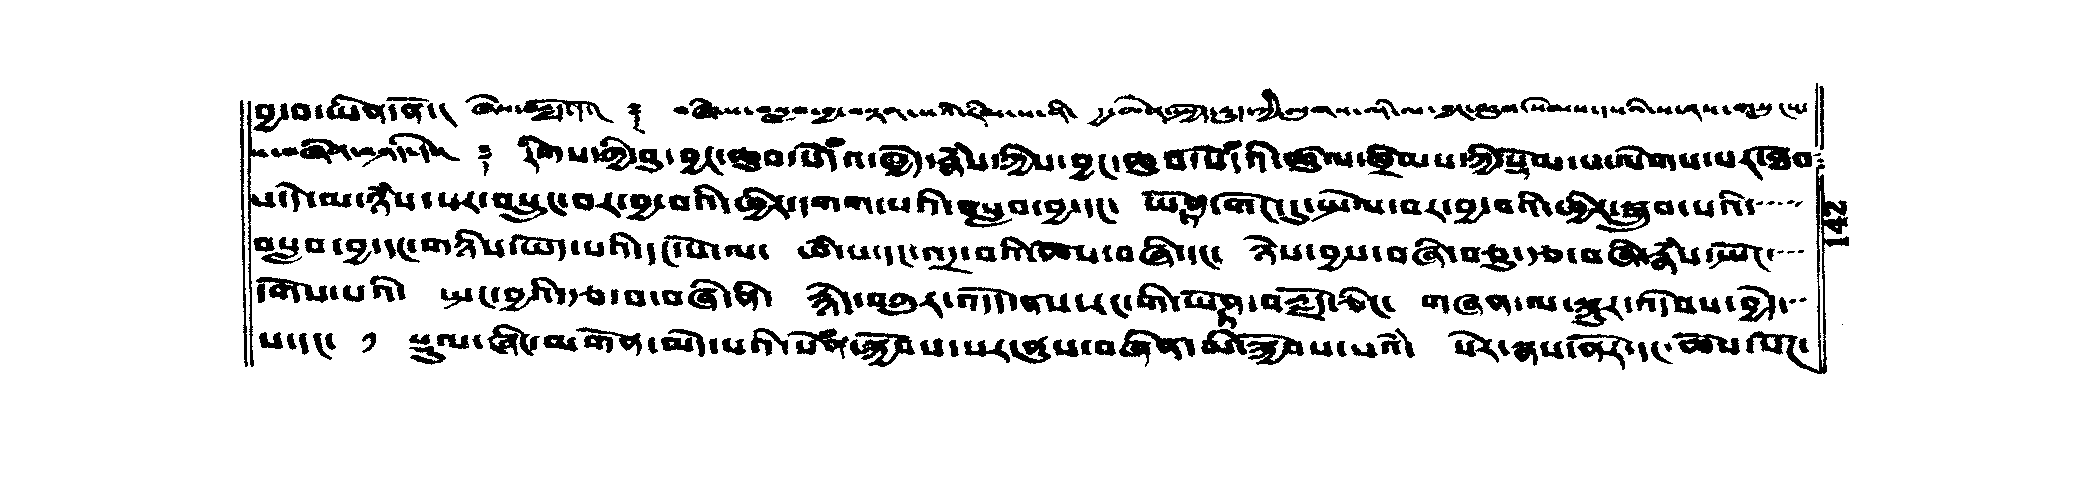བྱ་བ་ཡིན་ནོ། ཞེས་བརྗོད་དོ། ༈ བཞི་པ་བསླབ་བྱ་བསྟན་པའི་རིམ་པ་ནི། རྒྱ་ཆེན་སྤྱོད་རྒྱུད་ཀྱི་ལུགས་འདི་ལ་བྱང་ཆུབ་སེམས་དཔའི་ས་ནས་གསུངས་
པ་བཞིན་བཤད་དེ། ༈ རིགས་ཀྱི་བུ་བྱང་ཆུབ་སེམས་དཔའ་ཁྱེད་རྣམས་ཀྱིས་བྱང་ཆུབ་སེམས་དཔའི་ཚུལ་ཁྲིམས་ཀྱི་སྡོམ་པ་ལེགས་པར་ཐོབ་
པ་དེ་མ་ཉམས་པར་བསྲུང་བར་བྱ་བའི་ཕྱིར་དགག་པའི་བསླབ་བྱ་དང་། ཡོན་ཏན་གོང་དུ་སྤེལ་བར་བྱ་བའི་ཕྱིར་སྒྲུབ་པའི་
བསླབ་བྱ་དང་གཉིས་ཡོད་པའི་དང་པོ་ལ། ཕམ་པ་དང་འདྲ་བའི་ཆོས་བཞི་དང་། ཉེས་བྱས་བཞི་བཅུ་རྩ་བཞི་རྣམས་སྤོང་
དགོས་པའི། སྤང་བྱའི་རྩ་བ་བཞི་ནི། རྙེད་བཀུར་འདོད་ནས་རང་གི་ཡོན་ཏན་བརྗོད་ཅིང་། གཞན་ལ་སྐུར་འདིབས་བྱེད་
པ་དང་། སྡུག་བསྔལ་ཞིང་མགོན་མེད་པའི་སེམས་ཅན་སྐྱོབས་པར་ནུས་བཞིན་མི་སྐྱོབས་པའམ། སེར་སྣས་ནོར་དང་ཆོས་སོགས་